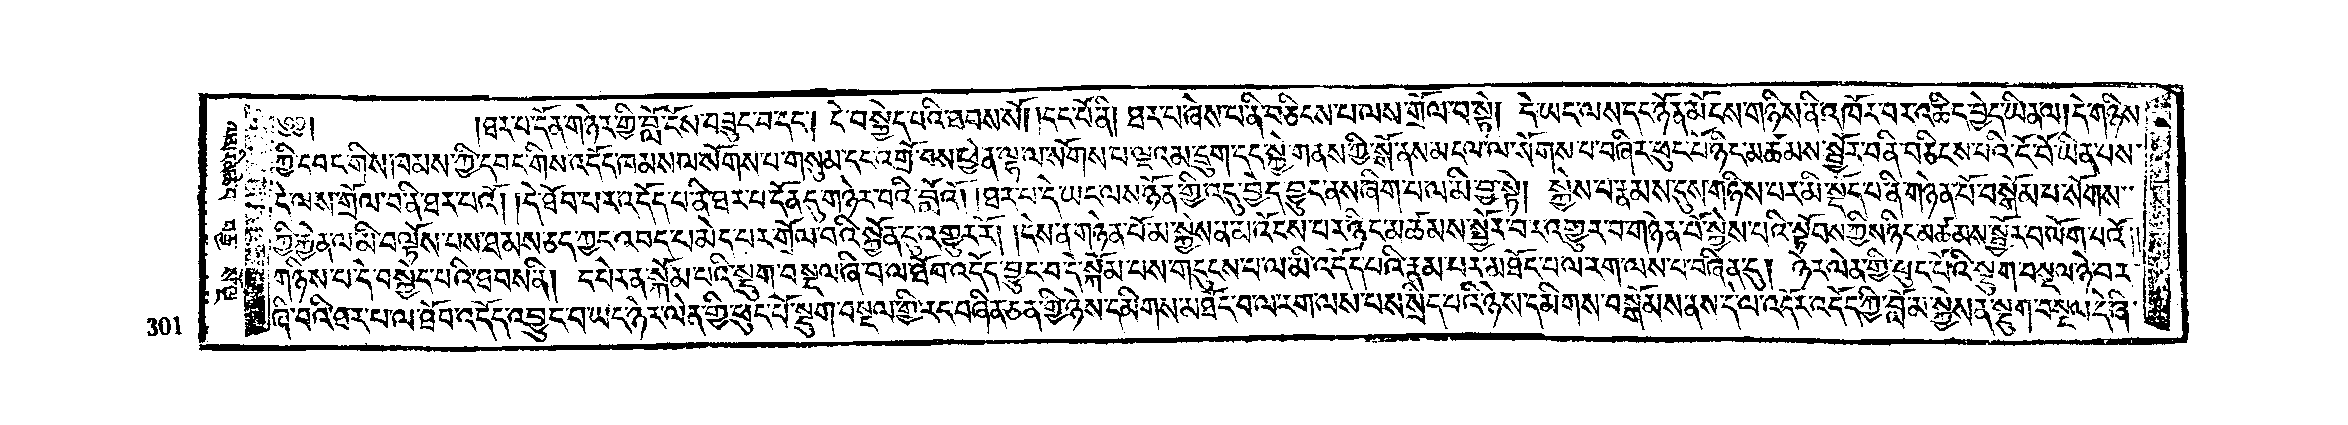༄༅། །ཐར་པ་དོན་གཉེར་གྱི་བློ་ངོས་བཟུང་བ་དང་། དེ་བསྐྱེད་པའི་ཐབས་སོ། །དང་པོ་ནི། ཐར་པ་ཞེས་པ་ནི་བཅིངས་པ་ལས་གྲོལ་བ་སྟེ། དེ་ཡང་ལས་དང་ཉོན་མོངས་གཉིས་ནི་འཁོར་བར་འཆིང་བྱེད་ཡིན་ལ། དེ་གཉིས་
ཀྱི་དབང་གིས་ཁམས་ཀྱི་དབང་གིས་འདོད་ཁམས་ལ་སོགས་པ་གསུམ་དང་འགྲོ་བས་ཕྱེ་ན་ལྷ་ལ་སོགས་པ་ལྔའམ་དྲུག་དང་སྐྱེ་གནས་ཀྱི་སྒོ་ནས་མངལ་ལ་སོགས་པ་བཞིར་ཕུང་པོ་ཉིད་མཚམས་སྦྱོར་བ་ནི་བཅིངས་པའི་ངོ་བོ་ཡིན་པས་
དེ་ལས་གྲོལ་བ་ནི་ཐར་པའོ། །དེ་ཐོབ་པར་འདོད་པ་ནི་ཐར་པ་དོན་དུ་གཉེར་བའི་བློའོ། །ཐར་པ་དེ་ཡང་ལས་ཉོན་གྱི་འདུ་བྱེད་བྱུང་ནས་ཞིག་པ་ལ་མི་བྱ་སྟེ། སྐྱེས་པ་རྣམས་དུས་གཉིས་པར་མི་སྡོད་པ་ནི་གཉེན་པོ་བསྒོམ་པ་སོགས་
ཀྱི་རྐྱེན་ལ་མི་བློས་པས་ཐམས་ཅད་ཀྱང་འབད་པ་མེད་པར་གྲོལ་བའི་སྐྱོན་དུ་འགྱུར་རོ། །དེས་ན་གཉེན་པོ་མ་སྐྱེས་ན་མ་འོངས་པར་ཉིད་མཚམས་སྦྱོར་བར་འགྱུར་བ་གཉེན་པོ་སྐྱེས་པའི་སྟོབས་ཀྱིས་ཉིད་མཚམས་སྦྱོར་བ་ལོག་པའོ།།
གཉིས་པ་དེ་བསྐྱེད་པའི་ཐབས་ནི། དཔེར་ན་སྐོམ་པའི་སྡུག་བསྔལ་ཞི་བ་ལ་ཐོབ་འདོད་བྱུང་བ་དེ་སྐོམ་པས་གདུངས་པ་ལ་མི་འདོད་པའི་རྣམ་པར་མཐོང་བ་ལ་རག་ལས་པ་བཞིན་དུ། ཉེར་ལེན་གྱི་ཕུང་པོའི་སྡུག་བསྔལ་ཉེ་བར་
ཞི་བའི་ཐར་པ་ལ་ཐོབ་འདོད་འབྱུང་བ་ཡང་ཉེར་ལེན་གྱི་ཕུང་པོ་སྡུག་བསྔལ་གྱི་རང་བཞིན་ཅན་གྱི་ཉེས་དམིགས་མཐོང་བ་ལ་རག་ལས་པས་སྲིད་པའི་ཉེས་དམིགས་བསྒོམས་ནས་དེ་ལ་འདོར་འདོད་ཀྱི་བློ་མ་སྐྱེས་ན་སྡུག་བསྔལ་དེ་ཞི་